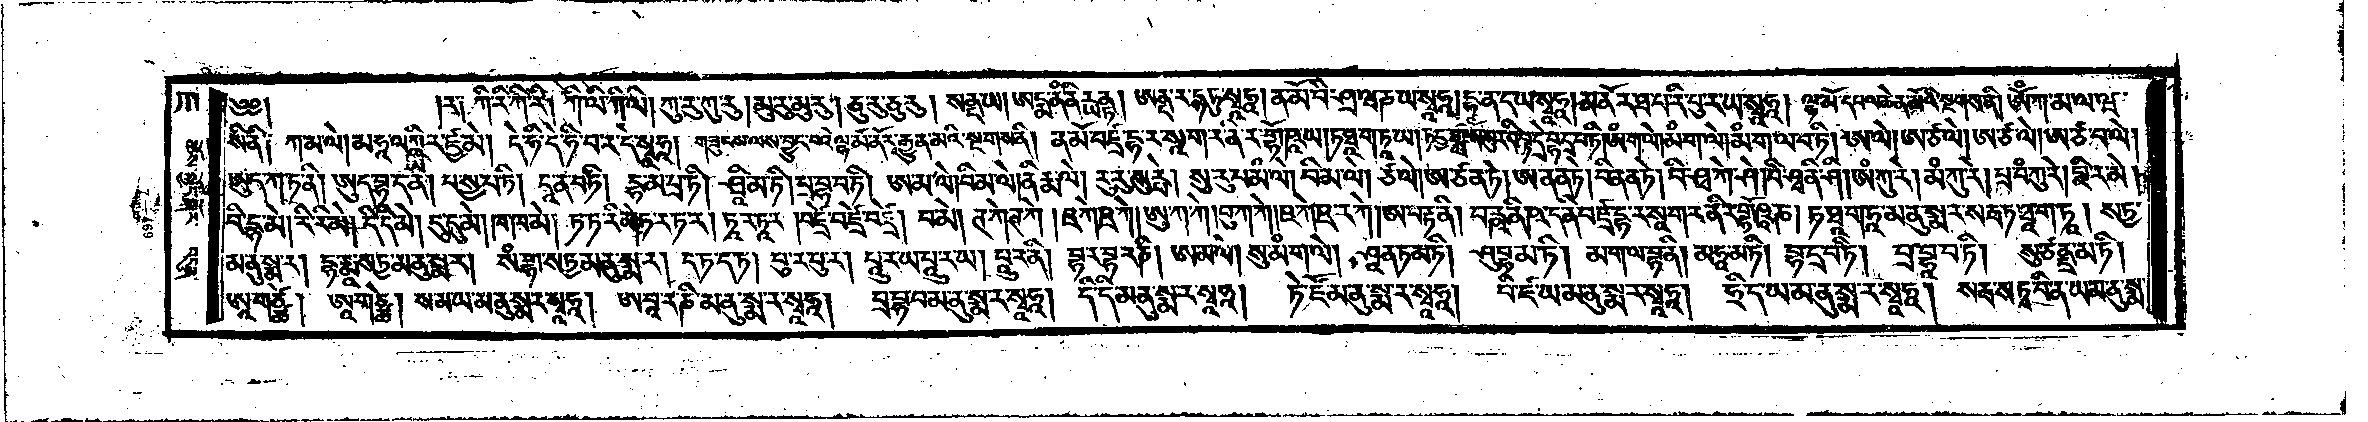༄༅། །ར༑ ཀི་རི་ཀི་རི། ཀི་ལི་ཀི་ལི། ཀུ་རུ་ཀུ་རུ། མུ་རུ་མུ་རུ། ཙུ་རུ་ཅུ་རུ། སནྡ་ཡ། ཨདམ་ནཾ་ནིརྱནྟ། ཨནྡ་ར་བྷ་ཏུ་སྭཱཧཱ། ན་མོ་བཻ་ཤྲ་ཝ་ཎ་ཡ་སྭཱཧཱ། དྷ་ན་ད་ཡ་སྭཱཧཱ། མ་ནོ་ར་ཐ་པ་རི་པུ་ར་ཡ་སྭཱཧཱ། ལྷ་མོ་དཔལ་ཆེན་མོའི་སྔགས་ནི།  ཨོཾ་ཀ་མས་ལྔ་
སི་ནི༑ ཀ་མ་ལེ། མཧཱ་ལཀྵྨི་ར་ཛྱ་མེ། དེ་ཧི་དེ་ཧི་བར་དེ་སྭཱཧཱ། གཟུངས་ལས་བྱུང་བའི་ལྷ་མོ་ནོར་རྒྱུན་མའི་སྔགས་ནི།  ན་མོ་བཛྲ་དྷ་ར་སཱ་ག་ར་ནི་ར་གྷོ་ཥཱ་ཡ། ཏ་ཐཱ་ག་ཏཱ་ཡ། ཏདྱ་ཐཱ་།ཨོཾ་སུར་བིབྷ་དྲེ་བྷདྲ་བ་ཏི། ཨཾ་ག་ལེ། མཾ་ག་ལེ། མཾ་ག་ལ་བ་ཏི། ཨ་ལེ། ཨ་ཙ་ལེ། ཨ་ཙ་ལེ། ཨ་ཙ་བ་ལེ།
ཨུད་ཀ་ཏ་ནི། ཨུད་བྷ་ད་ནི། པ་སྱ་བ་ཏི། དཱ་ན་བ་ཏི། དྷ་མ་པྲ་ཏི། ཤྲཱི་མ་ཏི་།པྲ་བྷ་བ་ཏི། ཨ་མ་ལེ། བིམ་ལེ། ནིརྨ་ལེ། རུ་རུ་སུརྤེ་།སུ་རུ་པ་མཾ་ལེ། བི་མ་ལེ། ཙ་ལེ། ཨ་ཙ་ན་ཏེ། ཨ་ནན་ཏེ། བི་ནན་ཏེ། བི་ཤྭཀེ་ཤེ་།བི་ཤྭ་ནི་ཤི། ཨཾ་ཀུ་རེ། མཾ་ཀུ་རེ། པྲ་བཾ་ཀུ་རེ། བཱི་ར་མེ།
བི་དྷ་མེ། རི་རི་མེ། དི་དི་མེ། དུ་དུ་མེ། ཁ་ཁ་མེ། ཏ་ཏ་རི་མེ། ཏ་ར་ཏ་ར། ཏཱ་ར་ཏཱ་ར། བཛྲེ་བཛྲེ་བཛྲེ། བ་མེ། ཊ་ཀེ་ཊ་ཀེ །ཊཿཨ་ཀེ་ཊཿཨ་ཀེ། ཨུ་ཀ་ཀེ །བུ་ཀ་ཀེ། ཊཿཨ་ཀེ་ཊཿཨ་ར་ཀེ །ཨ་བཀ་ཀེ །བུ་ཀ་ཀེ །ཊཿཨ་ཀེ་ཊཿཨ་རཀེ །ཨ་བརྟ་ནི། བརྵ་ནི་ཥ་ད་ནི་བཛྲ་དྷ་ར་སཱ་ག་ར་ནི་རགྷོ་ཥཱ་ཎ། ཏ་ཐཱ་ག་ཏཱ་མནུ་སྨར་སརྦ་ཏ་ཤྲཱ་ག་ཏཱ། སཏྱ་
མནུ་སྨ་ར། དྷརྨཱ་སཏྱ་མ་ནུ་སྨ་ར། སཾ་གྷ་སཏྱ་མ་ནུ་སྨ་ར། ད་ཏ་ད་ཏ། པུ་ར་པུ་ར། པཱུ་ར་ཡ་པཱུ་ར་ཡ། པཱུ་ར་ནི། བྷ་ར་བྷ་ར་ཎི། ཨ་མ་ལེ། སུ་མཾ་ག་ལེ། ཤཱན་ཏ་མ་ཏི། ཤུབྷ་མ་ཏི། མ་ག་ལ་བྷ་ནི། མཧཱ་མ་ཏི། བྷ་དྲ་པི་ཏ། བྲ་བྷཱ་བ་ཏི། སུ་ཙནྡྲ་མ་ཏི།
ཨཱ་གཙྪེ། ཨཱ་གཙྪེ། ས་མ་ཡ་མ་ནུ་སྨར་སྭཱཧཱ། ཨ་བཱ་ར་ཎི་མ་ནུ་སྨ་ར་སྭཱཧཱ། པྲ་བྷ་བ་མ་ནུ་སྨར་སྭཱཧཱ། དི་དི་མ་ནུ་སྨར་སྭཱཧཱ། ཏེ་ཛོ་མ་ནུ་སྨ་ར་སྭཱཧཱ། པི་ཛ་ཡ་མ་ནུ་སྨ་ར་སྭཱཧཱ། ཧྲི་ད་ཡ་མ་ནུ་སྨ་ར་སྭཱཧཱ། སརྦ་སཏྭ་བི་ན་ཡ་མ་ནུ་སྨ་